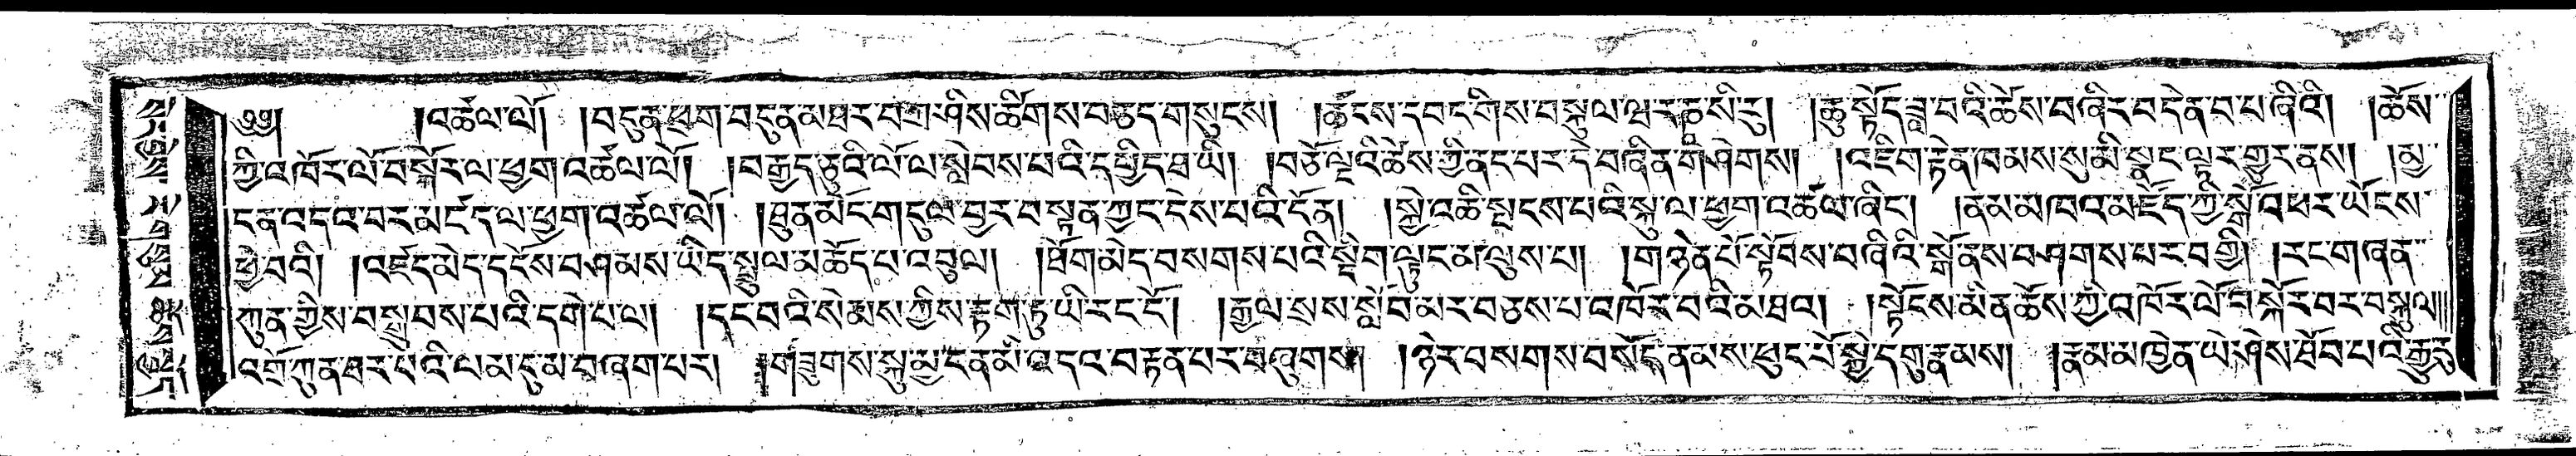༄༅། །འཚལ་ལོ། །བདུན་ཕྲག་བདུན་མཐར་བཀྲ་ཤིས་ཚིགས་བཅད་གསུངས། །ཚངས་དབང་གིས་བསྐུལ་ཝ་ར་ཎཱ་སི་རུ། །ཆུ་སྟོད་ཟླ་བའི་ཚེས་བཞིར་བདེན་པ་བཞིའི། །ཆོས་
ཀྱི་འཁོར་ལོ་བསྐོར་ལ་ཕྱག་འཚལ་ལོ། །བརྒྱད་ཅུའི་ལོ་ལ་སླེབས་པའི་དཔྱིད་ཐ་ཡི། །བཅོ་ལྔའི་ཚེས་ཀྱི་ནང་པར་དེ་བཞིན་གཤེགས། །འཇིག་རྟེན་ཁམས་སུ་མི་སྣང་ལྟར་གྱུར་ནས། །མྱ་
ངན་འདའ་བར་མཛད་ལ་ཕྱག་འཚལ་ལོ། །ཐུན་མོང་གདུལ་བྱར་བསྟན་ཀྱང་ངེས་པའི་དོན། །སྐྱེ་འཆི་སྤངས་པའི་སྐུ་ལ་ཕྱག་འཚལ་ཞིང་། །ནམ་མཁའ་མཛོད་ཀྱི་སྒོ་འཕར་ཡོངས་
ཕྱེ་བའི། །འཛད་མེད་དངོས་བཤམས་ཡིད་སྤྲུལ་མཆོད་པ་འབུལ། །ཐོག་མེད་བསགས་པའི་སྡིག་ལྟུང་མ་ལུས་པ། །གཉེན་པོ་སྟོབས་བཞིའི་སྒོ་ནས་བཤགས་པར་བགྱི། །རང་གཞན་
ཀུན་གྱིས་བསྒྲུབས་པའི་དགེ་བ་ལ། །དང་བའི་སེམས་ཀྱིས་རྟག་ཏུ་ཡི་རང་ངོ། །རྒྱལ་སྲས་སློབ་མར་བཅས་པ་འཁོར་བའི་མཐའ། །སྟོངས་མིན་ཆོས་ཀྱི་འཁོར་ལོ་བསྐོར་བར་བསྐུལ། །
འགྲོ་ཀུན་ཐར་པའི་ལམ་དུ་མ་བཞག་པར། །གཟུགས་སྐུ་མྱ་ངན་མི་འདའ་བརྟན་པར་བཞུགས། །ཉེར་བསགས་བསོད་ནམས་ཕུང་པོ་སྐྱེ་དགུ་རྣམས། །རྣམ་མཁྱེན་ཡེ་ཤེས་ཐོབ་པའི་རྒྱུ་རུ་